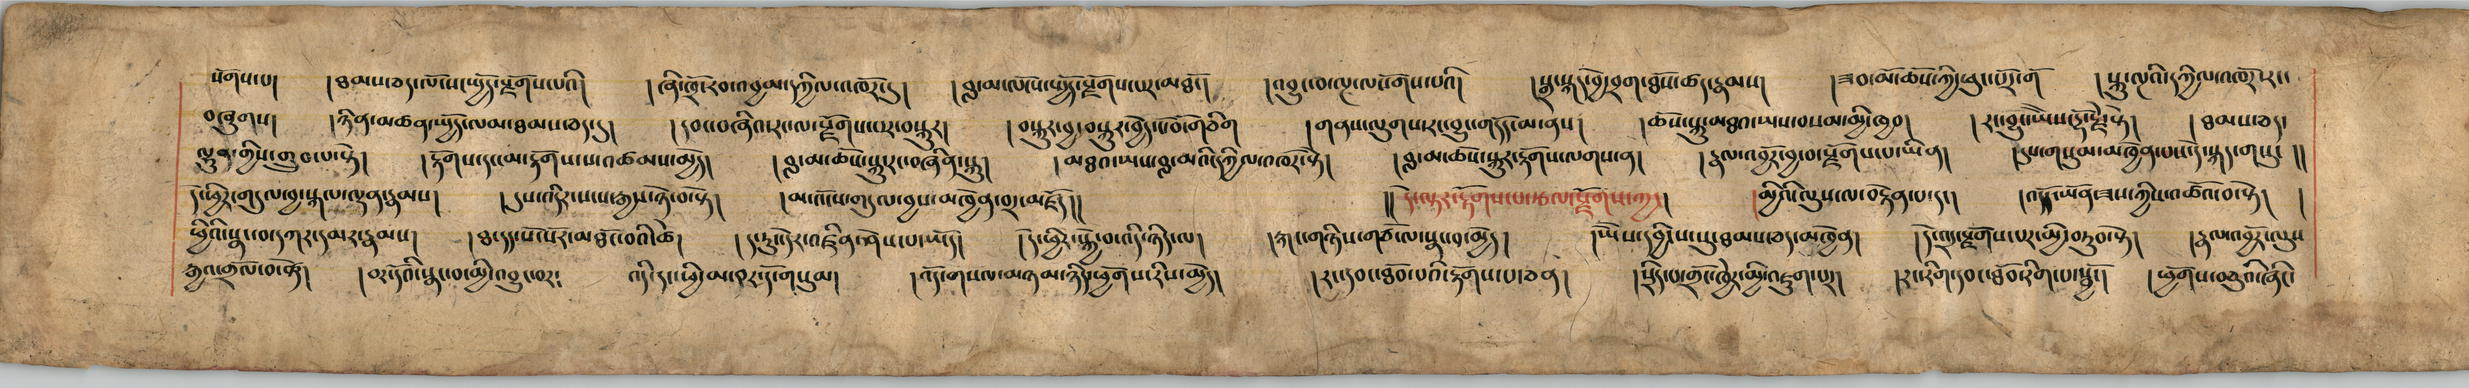སོགས་པ། །ཐམས་ཅད་ལོངས་སྤྱོད་སྫོགས་པའི། །ཞི་ཁྲོ་རབ་འབྱམ་དཀྱིལ་འཁོར་དུ། །བླ་མ་ལོངས་སྤྱོད་སྫོགས་པར་མཐོང། །འབྱུང་བ་ལྔ་ལསོགས་པའི། །སྒྲ་སྐད་བྱེ་བྲག་ཐོས་ཚད་རྣམས། །ཟབ་མོ་ཆོས་ཀྱི་ཕུང་པོར་གོ །སྐུ་ལྔའི་དཀྱིལ་འཁོར་རང་
བཞུགས། །ཉིན་མཚན་སྤྱོད་ལམ་ཐམས་ཅད་དུ། །དབང་བཞིའ་རང་སྫོགས་པར་བསྐུར། །བསྐུར་བྱ་བསྐུར་བྱེད་ངོ་བོ་གཅིག །གནས་ལུགས་རང་བྱུང་གདོད་མ་ནས། །ཆོས་སྐུ་མཐའ་ཡས་བསམ་མྱི་ཁྱབ། །རང་བྱུང་ཡཻས་རྡོ་རྗེ་སྟེ། །ཐམས་ཅད་
ལྷུན་གྱིས་གྲུབ་པ་སྟེ། །རྟོགས་དང་མ་རྟོགས་ས་འཚམས་མྱེད། །བླ་མ་ཆོས་སྐུ་རང་བཞིན་སྐུ། །མཐའ་ཡས་བླ་མའི་དཀྱིལ་འཁོར་སྟེ། །བླ་མ་ཆོས་སྐུར་རྟོགས་ལགས་ན། །རྣལ་འབྱོར་བྱ་བ་སྫོགས་པ་ཡིན། །དུས་གསུམ་མཁྱེན་པས་དེ་སྐད་དུ་ །།
དེ་ཕྱིར་གདུལ་བྱ་སྐལ་ལྡན་རྣམས། །དུས་འདིར་སངས་རྒྱས་ཉེ་བ་སྟེ། །མ་འོངས་གདུལ་བྱས་མཁྱེན་བར་མཛོད།། །།དེ་ལྟར་རྟོགས་པ་རྩལ་སྫོགས་ཀྱང། །མྱིའི་ལུས་ལ་བརྟེན་པ་དང། །འདོད་ཡོན་ཟས་ཀྱིས་འཚོའ་བ་སྟེ།
ཕྱིའི་སྣང་བ་དཀར་དམར་རྣམས། །ཐ་དད་སོ་སོར་མཐོང་བའི་ཚེ། །ད་རུང་དེར་འཛིན་ཤེས་པ་ཡོད། །དེ་ཕྱིར་སྐྱེ་བ་འདི་ཉིད་ལ། །རྐང་གཉིས་གཙོ་ལ་སྣང་བ་མྱེ། །ཡཻས་དབྱིངས་སུ་ཐམས་ཅད་མཁྱེན། །དེ་འདྲ་སྫོགས་པར་མྱི་བཏུབ་སྟེ། །རྣལ་འབྱོར་ལུས
རྒྱའ་གྲོལ་སྟེ། །བར་དོའི་སྣང་བ་མྱི་འབྱུང་བར༴ འདི་དང་ཕྱི་མ་བར་དོ་གསུམ། །འོད་གསལ་མཉམ་ཉིད་ཕྱོགས་རིས་མྱེད། །རང་དབང་ཐོབ་པའི་རྟོགས་པ་ཅན། །སྲིད་པ་གྲོང་ཁྱེར་མྱི་འཇུག་པར། །རང་རིག་དབང་ཐོབ་རིག་པ་སྦྱོང། །ཕྱོགས་བཅུའི་ཞིང་